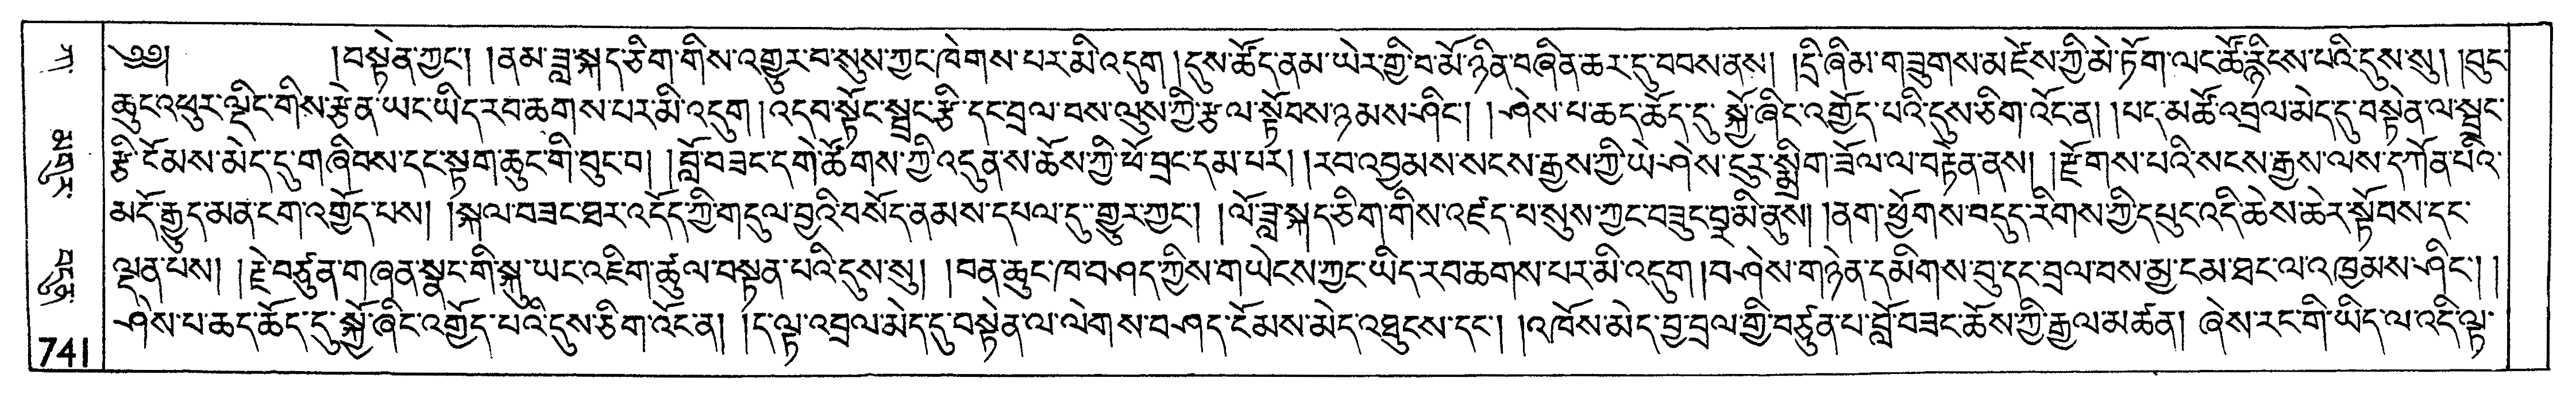༄༅། །བསྟེན་ཀྱང་། །ནམ་ཟླ་སྐད་ཅིག་གིས་འགྱུར་བ་སུས་ཀྱང་ཁེགས་པར་མི་འདུག །དུས་ཚོད་ནམ་ཡེར་གྱི་བ་མོ་ཉིན་བཞིན་ཆར་དུ་བབས་ནས། །དྲི་ཞིམ་གཟུགས་མཛེས་ཀྱི་མེ་ཏོག་ལང་ཚོ་རྙིངས་པའི་དུས་སུ། །བུང་
ཆུང་འཕུར་ལྡིང་གིས་རྩེན་ཡང་ཡིད་རབ་ཆགས་པར་མི་འདུག །འདབ་སྟོང་སྦྲང་རྩི་དང་བྲལ་བས་ལུས་ཀྱི་རྩལ་སྟོབས་ཉམས་ཤིང་། །ཤེས་པ་ཆད་ཆོད་དུ་སྐྱོ་ཞིང་འགྱོད་པའི་དུས་ཅིག་འོང་ན། །པད་མཚོ་འབྲལ་མེད་དུ་བསྟེན་ལ་སྦྲང་
རྩི་དོམས་མེད་དུ་གཞིབས་དང་སྟག་ཆུང་གི་བུང་བ། །བློ་བཟང་དགེ་ཚོགས་ཀྱི་འདུན་ས་ཆོས་ཀྱི་ཕོ་བྲང་དམ་པར། །རབ་འབྱམས་སངས་རྒྱས་ཀྱི་ཡེ་ཤེས་ངུར་སྨྲིག་ཟོལ་ལ་བརྟེན་ནས། །རྫོགས་པའི་སངས་རྒྱས་ལས་དཀོན་པའི་
མདོ་རྒྱུད་མན་ངག་འགྱོད་པས། །སྐལ་བཟང་ཐར་འདོད་ཀྱི་གདུལ་བྱའི་བསོད་ནམས་དཔལ་དུ་གྱུར་ཀྱང་། །ལོ་ཟླ་སྐད་ཅིག་གིས་འཛད་པ་སུས་ཀྱང་བཟུང་བར་མི་ནུས། །ནག་ཕྱོགས་བདུད་རིགས་ཀྱི་དཔུང་འདི་ཆེས་ཆེར་སྟོབས་དང་
ལྡན་པས། །རྗེ་བཙུན་གཞན་སྣང་གི་སྐུ་ཡང་འཇིག་ཚུལ་བསྟན་པའི་དུས་སུ། །བན་ཆུང་ཁ་བཤད་ཀྱིས་གཡེངས་ཀྱང་ཡིད་རབ་ཆགས་པར་མི་འདུག །བཤེས་གཉེན་དམིགས་བུ་དང་བྲལ་བས་མྱ་ངམ་ཐང་ལ་འཁྱམས་ཤིང་། །
ཤེས་པ་ཆད་ཆོད་དུ་སྐྱོ་ཞིང་འགྱོད་པའི་དུས་ཅིག་འོང་ན། །ད་ལྟ་འབྲལ་མེད་དུ་བསྟེན་ལ་ལེགས་བཤད་ངོམས་མེད་འཐུངས་དང་། །འཁོས་མེད་བྱ་བྲལ་གྱི་བཙུན་པ་བློ་བཟང་ཆོས་ཀྱི་རྒྱལ་མཚན། ཞེས་རང་གི་ཡིད་ལ་འདི་ལྟ་